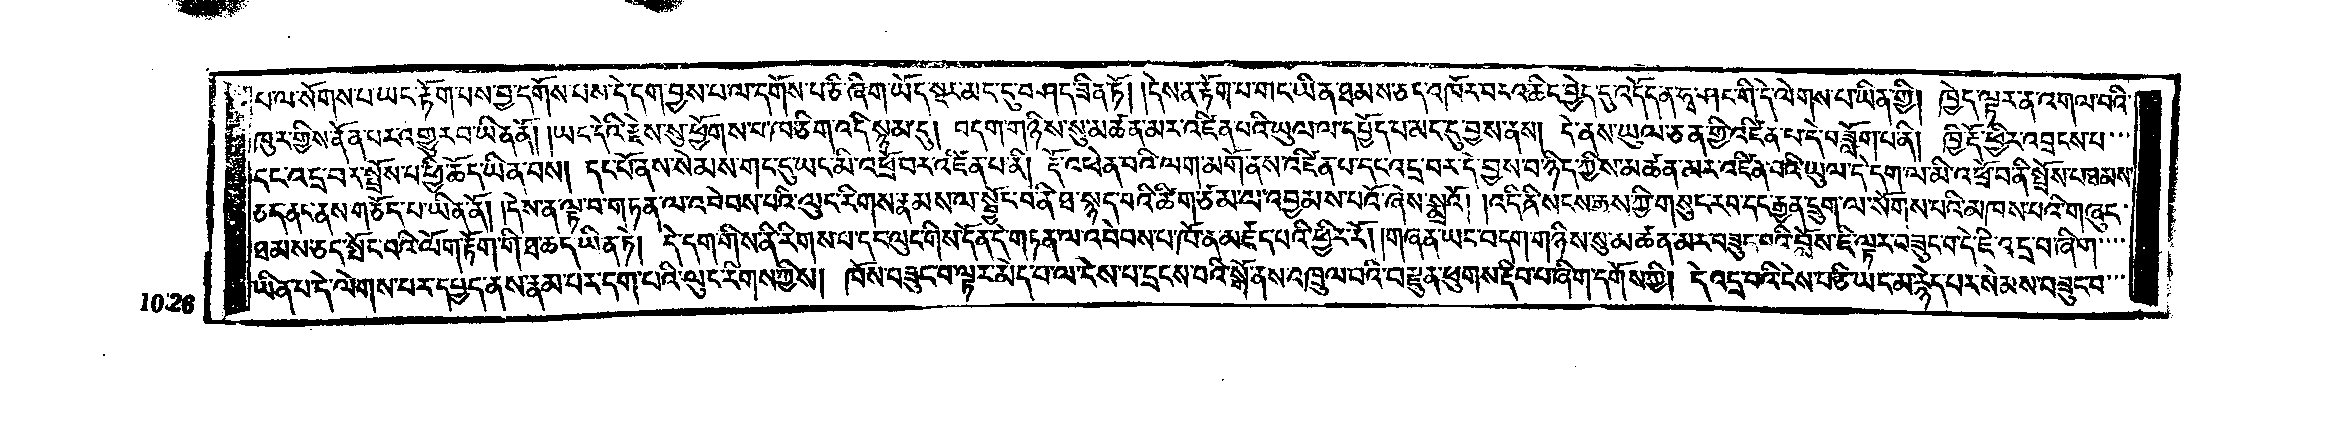པ་ལ་སོགས་པ་ཡང་རྟོག་པས་བྱ་དགོས་པས་དེ་དག་བྱས་པ་ལ་དགོས་པ་ཅི་ཞིག་ཡོད་སྔར་མང་དུ་བཤད་ཟིན་ཏོ། །དེས་ན་རྟོག་པ་གང་ཡིན་ཐམས་ཅད་འཁོར་བར་འཆིང་བྱེད་དུ་འདོད་ན་ཧྭ་ཤང་གི་དེ་ལེགས་པ་ཡིན་གྱི། ཁྱེད་ལྟར་ན་འགལ་བའི་
ཁུར་གྱིས་ནོན་པར་འགྱུར་བ་ཡིན་ནོ། །ཡང་དེའི་རྗེས་སུ་ཕྱོགས་པ་ཁ་ཅིག་འདི་སྙམ་དུ། བདག་གཉིས་སུ་མཚན་མར་འཛིན་པའི་ཡུལ་ལ་དཔྱོད་པ་མང་དུ་བྱས་ནས། དེ་ནས་ཡུལ་ཅན་གྱི་འཛིན་པ་དེ་བཟློག་པ་ནི། ཁྱི་རྡོ་ཕྱིར་འབྲངས་པ་
དང་འདྲ་བར་སྤྲོས་པ་ཕྱི་ཆོད་ཡིན་པས། དང་པོ་ནས་སེམས་གང་དུ་ཡང་མི་འཕྲོ་བར་འཛིན་པ་ནི། རྡོ་འཕེན་པའི་ལག་མགོ་ནས་འཛིན་པ་དང་འདྲ་བར་དེ་བྱས་པ་ཉིད་ཀྱིས་མཚན་མར་འཛིན་པའི་ཡུལ་དེ་དག་ལ་མི་འཕྲོ་བ་ནི་སྤྲོས་པ་ཐམས་
ཅད་ནང་ནས་གཅོད་པ་ཡིན་ནོ། །དེས་ན་ལྟ་བ་གཏན་ལ་འབེབས་པའི་ལུང་རིགས་རྣམས་ལ་སྦྱོང་བ་ནི་ཐ་སྙད་པའི་ཚིག་ཙམ་ལ་འབྱམས་པའོ་ཞེས་སྨྲའོ། །འདི་ནི་སངས་རྒྱས་ཀྱི་གསུང་རབ་དང་རྒྱན་དྲུག་ལ་སོགས་པའི་མཁས་པའི་གཞུང་
ཐམས་ཅད་སྤོང་བའི་ལོག་རྟོག་གི་ཐ་ཆད་ཡིན་ཏེ། དེ་དག་གིས་ནི་རིགས་པ་དང་ལུང་གིས་དོན་དེ་གཏན་ལ་འབེབས་པ་ཁོ་ན་མཛད་པའི་ཕྱིར་རོ། །གཞན་ཡང་བདག་གཉིས་སུ་མཚན་མར་བཟུང་བའི་བློས་ཇི་ལྟར་བཟུང་བ་དེ་ཇི་འདྲ་བ་ཞིག་
ཡིན་པ་དེ་ལེགས་པར་དཔྱད་ནས་རྣམ་པར་དག་པའི་ལུང་རིགས་ཀྱིས། ཁོས་བཟུང་བ་ལྟར་མེད་པ་ལ་ངེས་པ་དྲངས་པའི་སྒོ་ནས་འཁྲུལ་བའི་བརྫུན་ཕུགས་རྡིབ་པ་ཞིག་དགོས་ཀྱི། དེ་འདྲ་བའི་ངེས་པ་ཅི་ཡང་མ་རྙེད་པར་སེམས་བཟུང་བ་